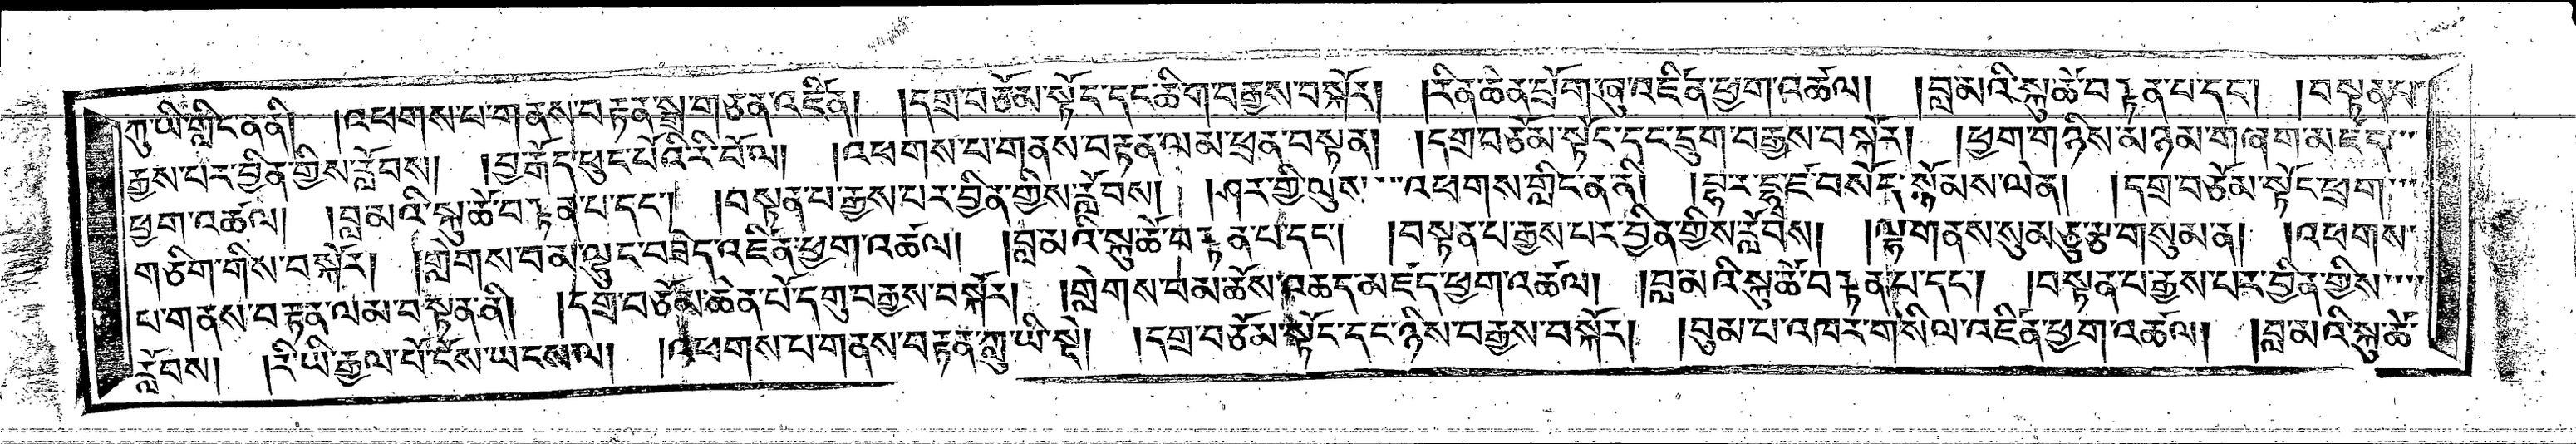ཀུ་ཡི་གླིང་ན་ནི། །འཕགས་པ་གནས་བརྟན་སྒྲ་གཅན་འཛིན། །དགྲ་བཅོམ་སྟོང་དང་ཆིག་བརྒྱས་བསྐོར། །རིན་ཆེན་པྲོག་ཞུ་འཛིན་ཕྱག་འཚལ། །བླ་མའི་སྐུ་ཚེ་བརྟན་པ་དང་། །བསྟན་པ་
རྒྱས་པར་བྱིན་གྱིས་རློབས། །བྱ་རྒོད་ཕུང་པོའི་རི་བོ་ལ། །འཕགས་པ་གནས་བརྟན་ལམ་ཕྲན་བསྟན། །དགྲ་བཅོམ་སྟོང་དང་དྲུག་བརྒྱས་བསྐོར། །ཕྱག་གཉིས་མཉམ་གཞག་མཛད་
ཕྱག་འཚལ། །བླ་མའི་སྐུ་ཚེ་བརྟན་པ་དང་། །བསྟན་པ་རྒྱས་པར་བྱིན་གྱིས་རློབས། །ཤར་གྱི་ལུས་འཕགས་གླིང་ན་ནི། །བྷ་ར་དྷྭ་ཛ་བསོད་སྙོམས་ལེན། །དགྲ་བཅོམ་སྟོང་ཕྲག་
གཅིག་གིས་བསྐོར། །གླེགས་བམ་ལྷུང་བཟེད་འཛིན་ཕྱག་འཚལ། །བླ་མའི་སྐུ་ཚེ་བརྟན་པ་དང་། །བསྟན་པ་རྒྱས་པར་བྱིན་གྱིས་རློབས། །ལྷ་གནས་སུམ་ཅུ་རྩ་གསུམ་ན། །འཕགས་
པ་གནས་བརྟན་ལམ་བསྟན་ནི། །དགྲ་བཅོམ་ཆེན་པོ་དགུ་བརྒྱས་བསྐོར། །གླེགས་བམ་ཆོས་འཆད་མཛད་ཕྱག་འཚལ། །བླ་མའི་སྐུ་ཚེ་བརྟན་པ་དང་། །བསྟན་པ་རྒྱས་པར་བྱིན་གྱིས་
རློབས། །རི་ཡི་རྒྱལ་པོ་ངོས་ཡངས་ལ། །འཕགས་པ་གནས་བརྟན་ཀླུ་ཡི་སྡེ། །དགྲ་བཅོམ་སྟོང་དང་ཉིས་བརྒྱས་བསྐོར། །བུམ་པ་འཁར་གསིལ་འཛིན་ཕྱག་འཚལ། །བླ་མའི་སྐུ་ཚེ་